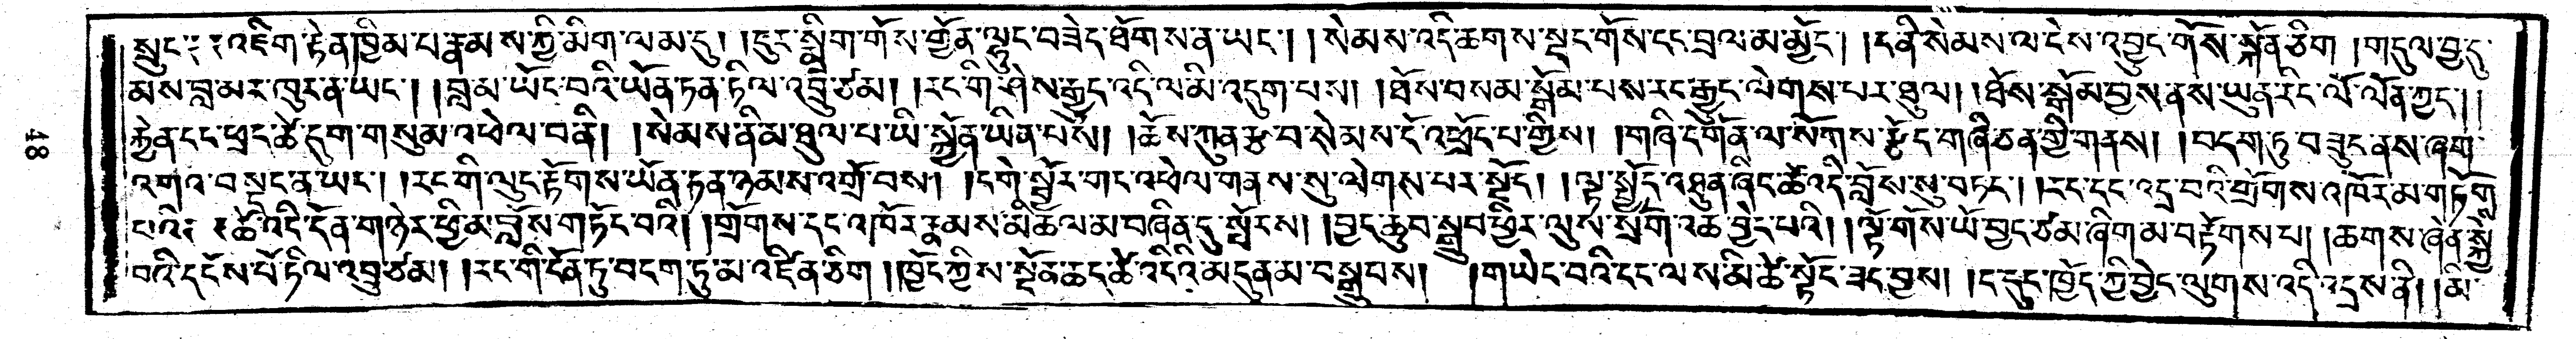སྲུང༑ ༑འཇིག་རྟེན་ཁྱིམ་པ་རྣམས་ཀྱི་མིག་ལམ་དུ། །དུར་སྨྲིག་གོས་གྱོན་ལྷུང་བཟེད་ཐོགས་ན་ཡང་། །སེམས་འདི་ཆགས་སྡང་གོས་དང་བྲལ་མ་མྱོང་། །ད་ནི་སེམས་ལ་ངེས་འབྱུང་གོས་སྐོན་ཅིག །གདུལ་བྱ་དུ་
མས་བླ་མར་ཁུར་ན་ཡང་། །བླ་མ་ཡོང་བའི་ཡོན་ཏན་ཏིལ་འབྲུ་ཙམ། །རང་གི་ཤེས་རྒྱུད་འདི་ལ་མི་འདུག་པས། །ཐོས་བསམ་སྒོམ་པས་རང་རྒྱུད་ལེགས་པར་ཐུལ། །ཐོས་སྒོམ་བྱས་ནས་ཡུན་རིང་ལོ་ལོན་ཀྱང་། །
རྐྱེན་དང་ཕྲད་ཚེ་དུག་གསུམ་འཕེལ་བ་ནི། །སེམས་ནི་མ་ཐུལ་པ་ཡི་སྐྱོན་ཡིན་པས། །ཆོས་ཀུན་རྩ་བ་སེམས་ངོ་འཕྲོད་པ་གྱིས། །གཞི་དགོན་ལ་སོགས་རྩོད་གཞི་ཅན་གྱི་གནས། །བདག་ཏུ་བཟུང་ནས་ཞག་
འགའ་བསྡང་ན་ཡང་། །རང་གི་ལུང་རྟོགས་ཡོན་ཏན་ཉམས་འགྲོ་བས། །དགེ་སྦྱོར་གང་འཕེལ་གནས་སུ་ལེགས་པར་སྡོད། །ལྟ་སྤྱོད་འཐུན་ཞིང་ཚེ་འདི་བློས་སུ་བཏང་། །རང་དང་འདྲ་བའི་གྲོགས་འཁོར་མ་གཏོགས་
པའི༑ ༑ཚེ་འདི་དོན་གཉེར་ཕྱི་མ་བློས་གཏོང་བའི། །གྲོགས་དང་འཁོར་རྣམས་མཆིལ་མ་བཞིན་དུ་སྤོངས། །བྱང་ཆུབ་སྒྲུབ་ཕྱིར་ལུས་སྲོག་འཆ་བྱེད་པའི། །ལྟོ་གོས་ཡོ་བྱད་ཙམ་ཞིག་མ་བརྟོགས་པ། །ཆགས་ཞེན་སྐྱེ་
བའི་དངོས་པོ་ཏིལ་འབྲུ་ཙམ། །རང་གི་དོན་ཏུ་བདག་ཏུ་མ་འཛིན་ཅིག །ཁྱོད་ཀྱིས་སྔོན་ཆད་ཚེ་འདིའི་མདུན་མ་བསྒྲུབས། །གཡེང་བའི་ངང་ལས་མི་ཚེ་སྟོང་ཟད་བྱས། །ད་དུང་ཁྱོད་ཀྱི་བྱེད་ལུགས་འདི་འདྲས་ནི། །མི་